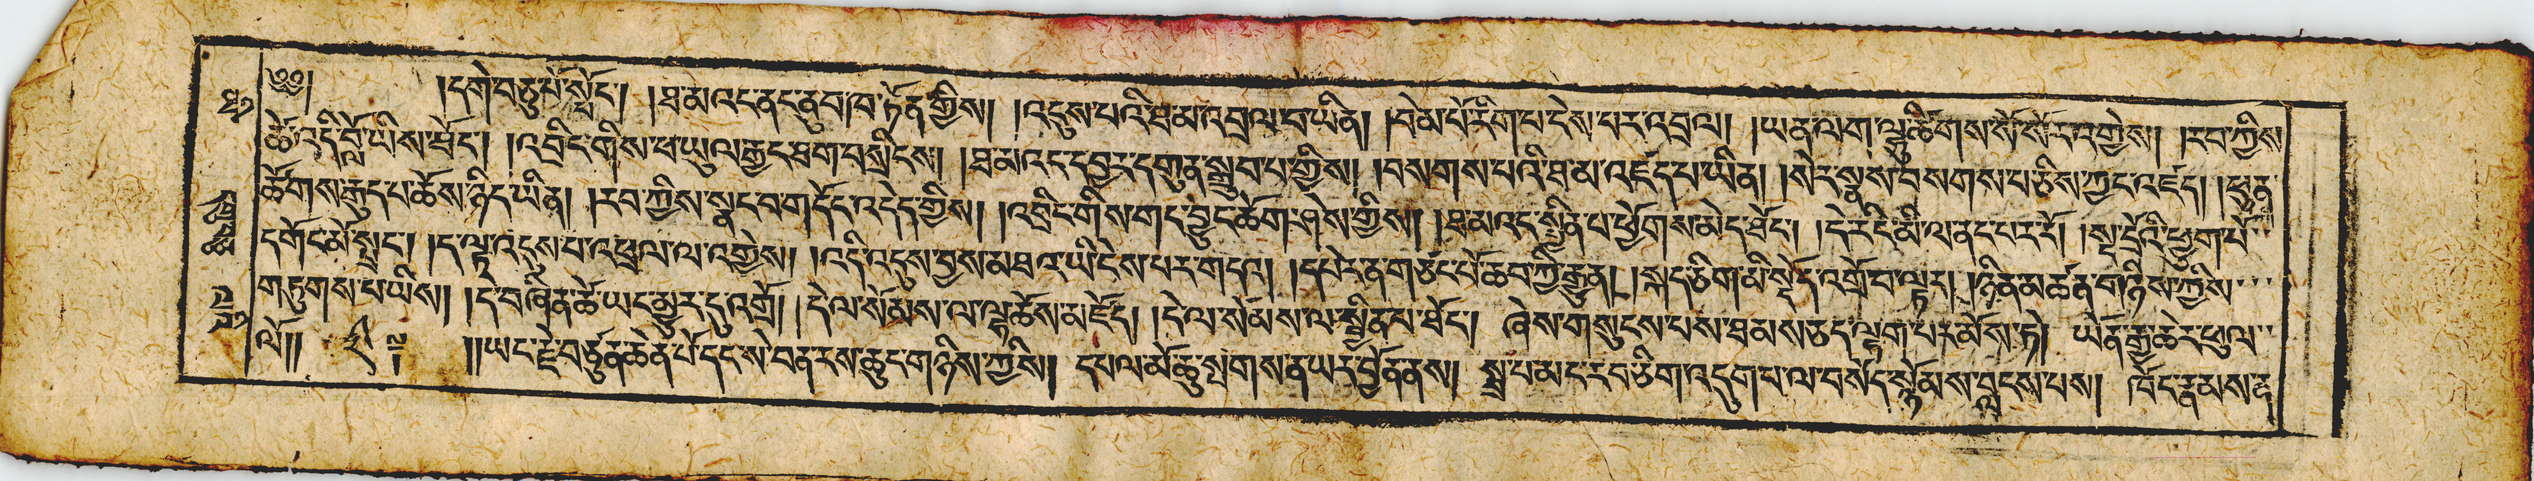དགེ་བཅུ་པོ་སྤོང་། །ཐ་མའང་ནང་ནུབ་ཁ་ཏོན་གྱིས། །འདུས་པའི་ཐ་མ་འབྲལ་བ་ཡིན། །བེམ་པོ་རིག་པ་ངེས་པར་འབྲལ། །ཡན་ལག་ལྷ་ཚོགས་སོ་སོར་འགྱེས། །རབ་ཀྱིས་
ཚེ་འདི་བློ་ཡིས་ཐོང་། །འབྲིང་གིས་ཕ་ཡུལ་རྒྱང་ཐག་བསྲིངས། །ཐ་མའང་དབྱར་དགུན་སྒྲུབ་པ་གྱིས། །བསགས་པའི་ཐ་མ་འཛད་པ་ཡིན། །སེར་སྣས་བསགས་པ་ཅིས་ཀྱང་འཛད། །ཕུན་
ཚོགས་ཆུད་པ་ཆོས་ཉིད་ཡིན། །རབ་ཀྱིས་སྣང་བ་གདོང་འདེད་གྱིས། །འབྲིང་གིས་གང་བྱུང་ཆོག་ཤེས་གྱིས། །ཐ་མའང་སྦྱིན་པ་ཕྱོགས་མེད་ཐོང་། །དེ་རིང་མི་ལ་ནང་པར་རོ། །སྔ་དྲོའི་ཕྱུག་པོ་
དགོང་མོ་སྤྲང་། །ད་ལྟ་འདུས་པ་འཕྲལ་ལ་འགྱེས། །འདི་འདུས་བྱས་མཐའ་ཡི་ངེས་པར་གདའ། །དཔེར་ན་གཙང་པོ་ཆབ་ཀྱི་རྒྱུན། །སྐད་ཅིག་མི་སྡོད་འགྲོ་བ་ལྟར། །ཉིན་མཚན་གཉིས་ཀྱིས་
གཏུགས་པ་ཡིས། །དེ་བཞིན་ཚེ་ཡང་མྱུར་དུ་འགྲོ། །དེ་ལ་སོམས་ལ་ལྷ་ཆོས་མཛོད། །དེ་ལ་སེམས་ལ་སྦྱིན་པ་ཐོངས། ཞེས་གསུངས་པས་ཐམས་ཅད་ལྷག་པར་མོས་ཏེ། ཡོན་རྒྱ་ཆེར་ཕུལ་
ལོ།། ༈ །།ཡང་རྗེ་བཙུན་ཆེན་པོ་དང་སེ་བན་རས་ཆུང་གཉིས་ཀྱིས། དཔལ་མཆུ་སྤགས་ན་ཡར་ཕྱིན་ནས། སྦྲ་པ་མང་རབ་ཅིག་འདུག་པ་ལ་བསོད་སྙོམས་བླངས་པས། ཁོང་རྣམས་ན་